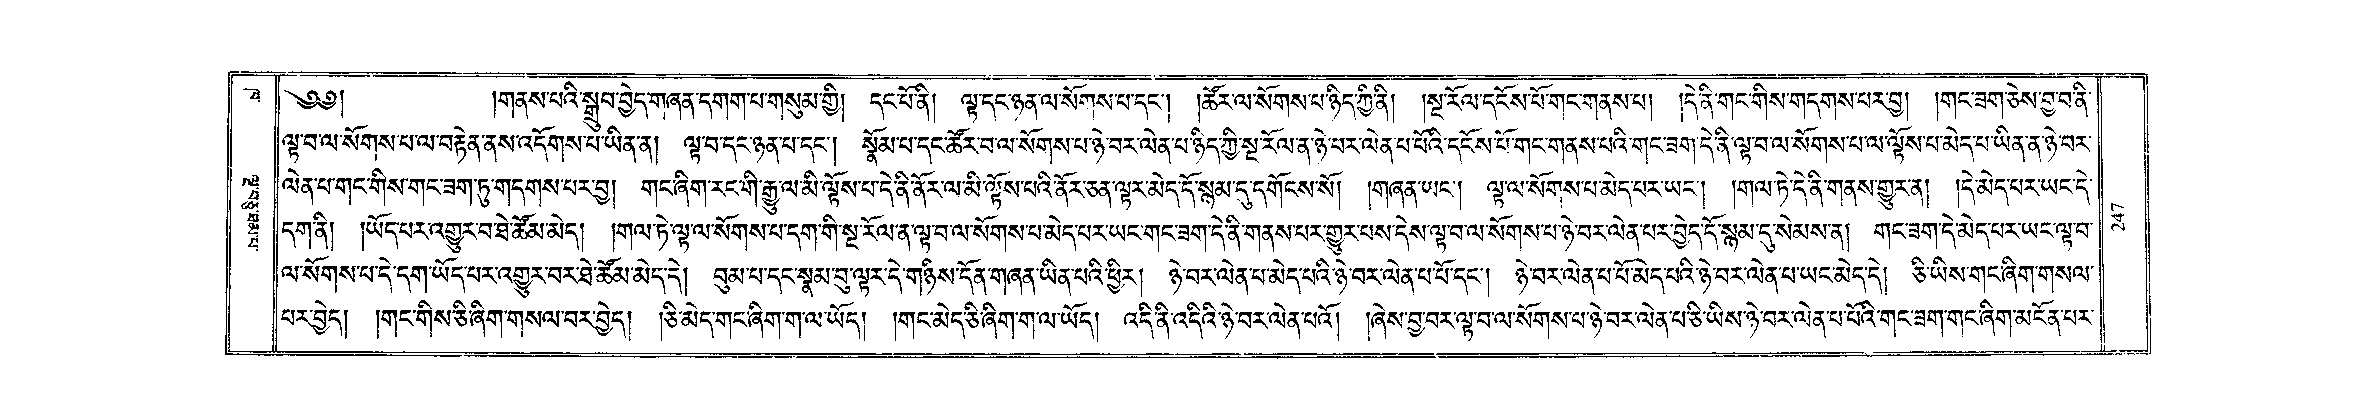༄༅། །གནས་པའི་སྒྲུབ་བྱེད་གཞན་དགག་པ་གསུམ་གྱི། དང་པོ་ནི། ལྟ་དང་ཉན་ལ་སོགས་པ་དང་། །ཚོར་ལ་སོགས་པ་ཉིད་ཀྱི་ནི། །སྔ་རོལ་དངོས་པོ་གང་གནས་པ། །དེ་ནི་གང་གིས་གདགས་པར་བྱ། །གང་ཟག་ཅེས་བྱ་བ་ནི་
ལྟ་བ་ལ་སོགས་པ་ལ་བརྟེན་ནས་འདོགས་པ་ཡིན་ན། ལྟ་བ་དང་ཉན་པ་དང་། སྣོམ་པ་དང་ཚོར་བ་ལ་སོགས་པ་ཉེ་བར་ལེན་པ་ཉིད་ཀྱི་སྔ་རོལ་ན་ཉེ་བར་ལེན་པ་པོའི་དངོས་པོ་གང་གནས་པའི་གང་ཟག་དེ་ནི་ལྟ་བ་ལ་སོགས་པ་ལ་ལྟོས་པ་མེད་པ་ཡིན་ན་ཉེ་བར་
ལེན་པ་གང་གིས་གང་ཟག་ཏུ་གདགས་པར་བྱ། གང་ཞིག་རང་གི་རྒྱུ་ལ་མི་ལྟོས་པ་དེ་ནི་ནོར་ལ་མི་ལྟོས་པའི་ནོར་ཅན་ལྟར་མེད་དོ་སྙམ་དུ་དགོངས་སོ། །གཞན་ཡང་། ལྟ་ལ་སོགས་པ་མེད་པར་ཡང་། །གལ་ཏེ་དེ་ནི་གནས་གྱུར་ན། །དེ་མེད་པར་ཡང་དེ་
དག་ནི། །ཡོད་པར་འགྱུར་བ་ཐེ་ཚོམ་མེད། །གལ་ཏེ་ལྟ་ལ་སོགས་པ་དག་གི་སྔ་རོལ་ན་ལྟ་བ་ལ་སོགས་པ་མེད་པར་ཡང་གང་ཟག་དེ་ནི་གནས་པར་གྱུར་པས་དེས་ལྟ་བ་ལ་སོགས་པ་ཉེ་བར་ལེན་པར་བྱེད་དོ་སྙམ་དུ་སེམས་ན། གང་ཟག་དེ་མེད་པར་ཡང་ལྟ་བ་
ལ་སོགས་པ་དེ་དག་ཡོད་པར་འགྱུར་བར་ཐེ་ཚོམ་མེད་དེ། བུམ་པ་དང་སྣམ་བུ་ལྟར་དེ་གཉིས་དོན་གཞན་ཡིན་པའི་ཕྱིར། ཉེ་བར་ལེན་པ་མེད་པའི་ཉེ་བར་ལེན་པ་པོ་དང་། ཉེ་བར་ལེན་པ་པོ་མེད་པའི་ཉེ་བར་ལེན་པ་ཡང་མེད་དེ། ཅི་ཡིས་གང་ཞིག་གསལ་
བར་བྱེད། །གང་གིས་ཅི་ཞིག་གསལ་བར་བྱེད། །ཅི་མེད་གང་ཞིག་ག་ལ་ཡོད། །གང་མེད་ཅི་ཞིག་ག་ལ་ཡོད། འདི་ནི་འདིའི་ཉེ་བར་ལེན་པའོ། །ཞེས་བྱ་བར་ལྟ་བ་ལ་སོགས་པ་ཉེ་བར་ལེན་པ་ཅི་ཡིས་ཉེ་བར་ལེན་པ་པོའི་གང་ཟག་གང་ཞིག་མངོན་པར་